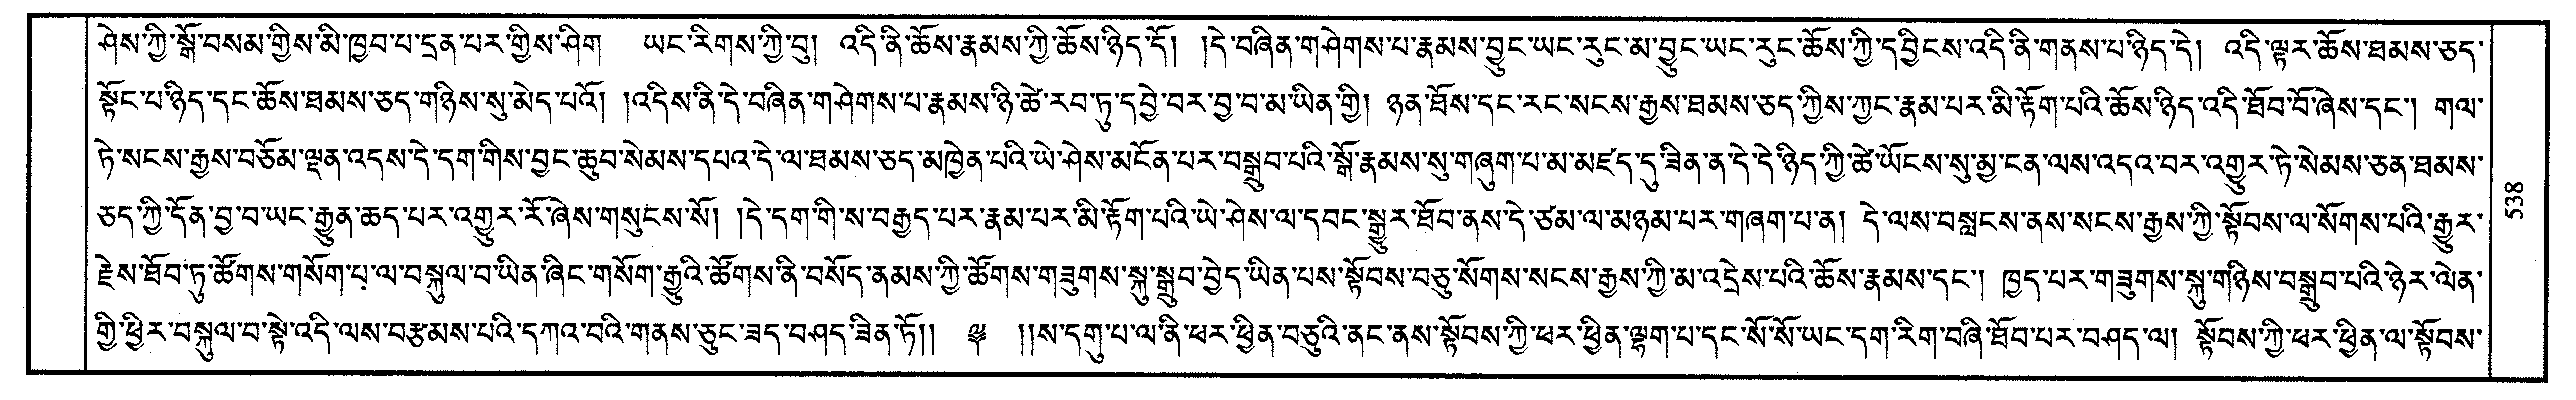ཤེས་ཀྱི་སྒོ་བསམ་གྱིས་མི་ཁྱབ་པ་དྲན་པར་གྱིས་ཤིག །ཡང་རིགས་ཀྱི་བུ། འདི་ནི་ཆོས་རྣམས་ཀྱི་ཆོས་ཉིད་དོ། །དེ་བཞིན་གཤེགས་པ་རྣམས་བྱུང་ཡང་རུང་མ་བྱུང་ཡང་རུང་ཆོས་ཀྱི་དབྱིངས་འདི་ནི་གནས་པ་ཉིད་དེ། འདི་ལྟར་ཆོས་ཐམས་ཅད་
སྟོང་པ་ཉིད་དང་ཆོས་ཐམས་ཅད་གཉིས་སུ་མེད་པའོ། །འདིས་ནི་དེ་བཞིན་གཤེགས་པ་རྣམས་ཉི་ཚེ་རབ་ཏུ་དབྱེ་བར་བྱ་བ་མ་ཡིན་གྱི། ཉན་ཐོས་དང་རང་སངས་རྒྱས་ཐམས་ཅད་ཀྱིས་ཀྱང་རྣམ་པར་མི་རྟོག་པའི་ཆོས་ཉིད་འདི་ཐོབ་བོ་ཞེས་དང་། གལ་
ཏེ་སངས་རྒྱས་བཅོམ་ལྡན་འདས་དེ་དག་གིས་བྱང་ཆུབ་སེམས་དཔའ་དེ་ལ་ཐམས་ཅད་མཁྱེན་པའི་ཡེ་ཤེས་མངོན་པར་བསྒྲུབ་པའི་སྒོ་རྣམས་སུ་གཞུག་པ་མ་མཛད་དུ་ཟིན་ན་དེ་དེ་ཉིད་ཀྱི་ཚེ་ཡོངས་སུ་མྱ་ངན་ལས་འདའ་བར་འགྱུར་ཏེ་སེམས་ཅན་ཐམས་
ཅད་ཀྱི་དོན་བྱ་བ་ཡང་རྒྱུན་ཆད་པར་འགྱུར་རོ་ཞེས་གསུངས་སོ། །དེ་དག་གི་ས་བརྒྱད་པར་རྣམ་པར་མི་རྟོག་པའི་ཡེ་ཤེས་ལ་དབང་སྒྱུར་ཐོབ་ནས་དེ་ཙམ་ལ་མཉམ་པར་གཞག་པ་ན། དེ་ལས་བསླངས་ནས་སངས་རྒྱས་ཀྱི་སྟོབས་ལ་སོགས་པའི་རྒྱུར་
རྗེས་ཐོབ་ཏུ་ཚོགས་གསོག་པ་ལ་བསྐུལ་བ་ཡིན་ཞིང་གསོག་རྒྱུའི་ཚོགས་ནི་བསོད་ནམས་ཀྱི་ཚོགས་གཟུགས་སྐུ་སྒྲུབ་བྱེད་ཡིན་པས་སྟོབས་བཅུ་སོགས་སངས་རྒྱས་ཀྱི་མ་འདྲེས་པའི་ཆོས་རྣམས་དང་། ཁྱད་པར་གཟུགས་སྐུ་གཉིས་བསྒྲུབ་པའི་ཉེར་ལེན་
གྱི་ཕྱིར་བསྐུལ་བ་སྟེ་འདི་ལས་བརྩམས་པའི་དཀའ་བའི་གནས་ཅུང་ཟད་བཤད་ཟིན་ཏོ།། ༈ །།ས་དགུ་པ་ལ་ནི་ཕར་ཕྱིན་བཅུའི་ནང་ནས་སྟོབས་ཀྱི་ཕར་ཕྱིན་ལྷག་པ་དང་སོ་སོ་ཡང་དག་རིག་བཞི་ཐོབ་པར་བཤད་ལ། སྟོབས་ཀྱི་ཕར་ཕྱིན་ལ་སྟོབས་